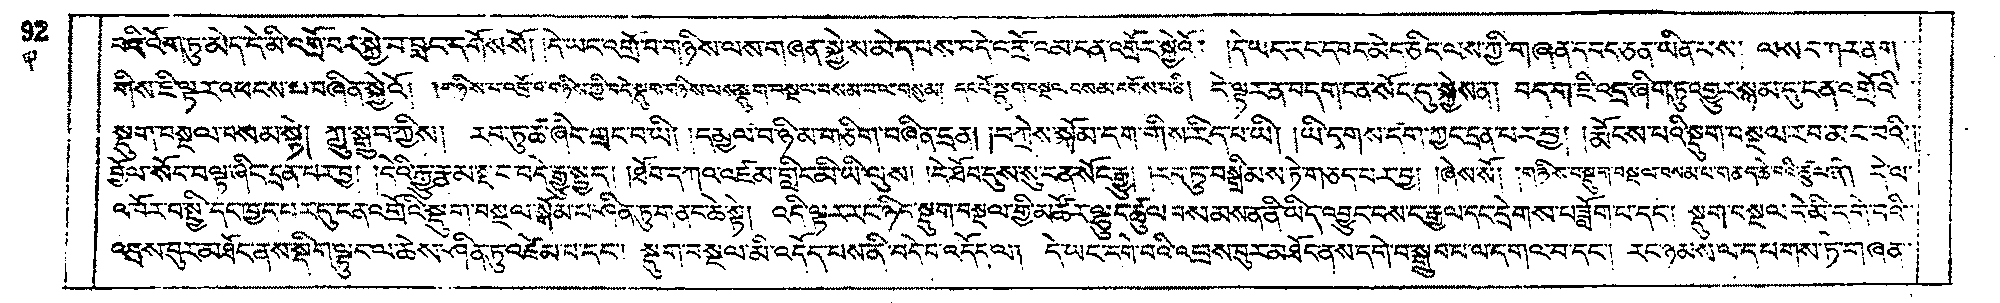བའི་འོག་ཏུ་མེད་དེ་མི་འགྲོ་བར་སྐྱེ་བ་བླང་དགོས་སོ། །དེ་ཡང་འགྲོ་བ་གཉིས་ལས་གཞན་སྐྱེས་མེད་པས་བདེ་འགྲོའམ་ངན་འགྲོར་སྐྱེའོ། །དེ་ཡང་རང་དབང་མེད་ཅིང་ལས་ཀྱི་གཞན་དབང་ཅན་ཡིན་པས། ལས་དཀར་ནག་
གིས་ཇི་ལྟར་འཕངས་པ་བཞིན་སྐྱེའོ། །གཉིས་པ་འགྲོ་བ་གཉིས་ཀྱི་བདེ་སྡུག་གཉིས་ལས་སྡུག་བསྔལ་བསམ་པ་ལ་གསུམ། དང་པོ་སྡུག་བསྔལ་བསམ་དགོས་པ་ནི།  དེ་ལྟར་ན་བདག་ངན་སོང་དུ་སྐྱེས་ན། བདག་ཇི་འདྲ་ཞིག་ཏུ་འགྱུར་སྙམ་དུ་ངན་འགྲོའོ་
སྡུག་བསྔལ་བསམ་སྟེ། ཀླུ་སྒྲུབས་ཀྱིས། རབ་ཏུ་ཚ་ཞིང་གྲང་བ་ཡི། །དམྱལ་བ་ཉི་མ་གཅིག་བཞིན་དྲན། །བཀྲེས་སྐོམ་དག་གིས་རིད་པ་ཡི། །ཡི་དགས་དག་ཀྱང་དྲན་པར་བྱ། །རྨོངས་པའི་སྡུག་བསྔལ་རབ་མང་བའི།།
བྱོལ་སོང་བལྟ་ཞིང་དྲན་པར་བྱ། །དེའི་རྒྱུ་རྣམས་སྤང་བདེ་རྒྱུ་སྤྱད། །ཐོབ་དཀའ་འཛམ་གླིང་མི་ཡི་ལུས། །དེ་ཐོབ་དུས་སུ་ངན་སོང་རྒྱུ། །རབ་ཏུ་བསྒྲིབས་ཏེ་གཅད་པར་བྱ། །ཞེས་སོ། །གཉིས་པ་སྡུག་བསྔལ་བསམ་པ་གནད་ཆེ་བའི་ཚུལ་ནི།  དེ་ལ་
འཁོར་བ་སྤྱི་དང་ཁྱད་པར་དུ་ངན་འགྲོའི་སྡུག་བསྔལ་སྒོམ་པ་ཤིན་ཏུ་གནང་ཆེ་སྟེ། འདི་ལྟར་རང་ཉིད་སྡུག་བསྔལ་གྱི་མཚོར་ལྷུང་ཚུལ་བསམས་ན་ནི་ཡིད་འབྱུང་བས་ང་རྒྱལ་དང་དྲེགས་པ་ཟློག་པ་དང་། སྡུག་བསྔལ་དེ་མི་དགེ་བའི་
འབྲས་བུར་མཐོང་ནས་སྡིག་ལྟུང་ལ་ཆེས་ཤིན་ཏུ་འཛེམ་པ་དང་། སྡུག་བསྔལ་མི་འདོད་པས་ནི་བདེ་བ་འདོད་ལ། དེ་ཡང་དགེ་བའི་འབྲས་བུར་མཐོང་ནས་དགེ་བ་སྒྲུབ་པ་ལ་དགའ་བ་དང་། རང་ཉམས་ལ་དཔགས་ཏེ་གཞན་